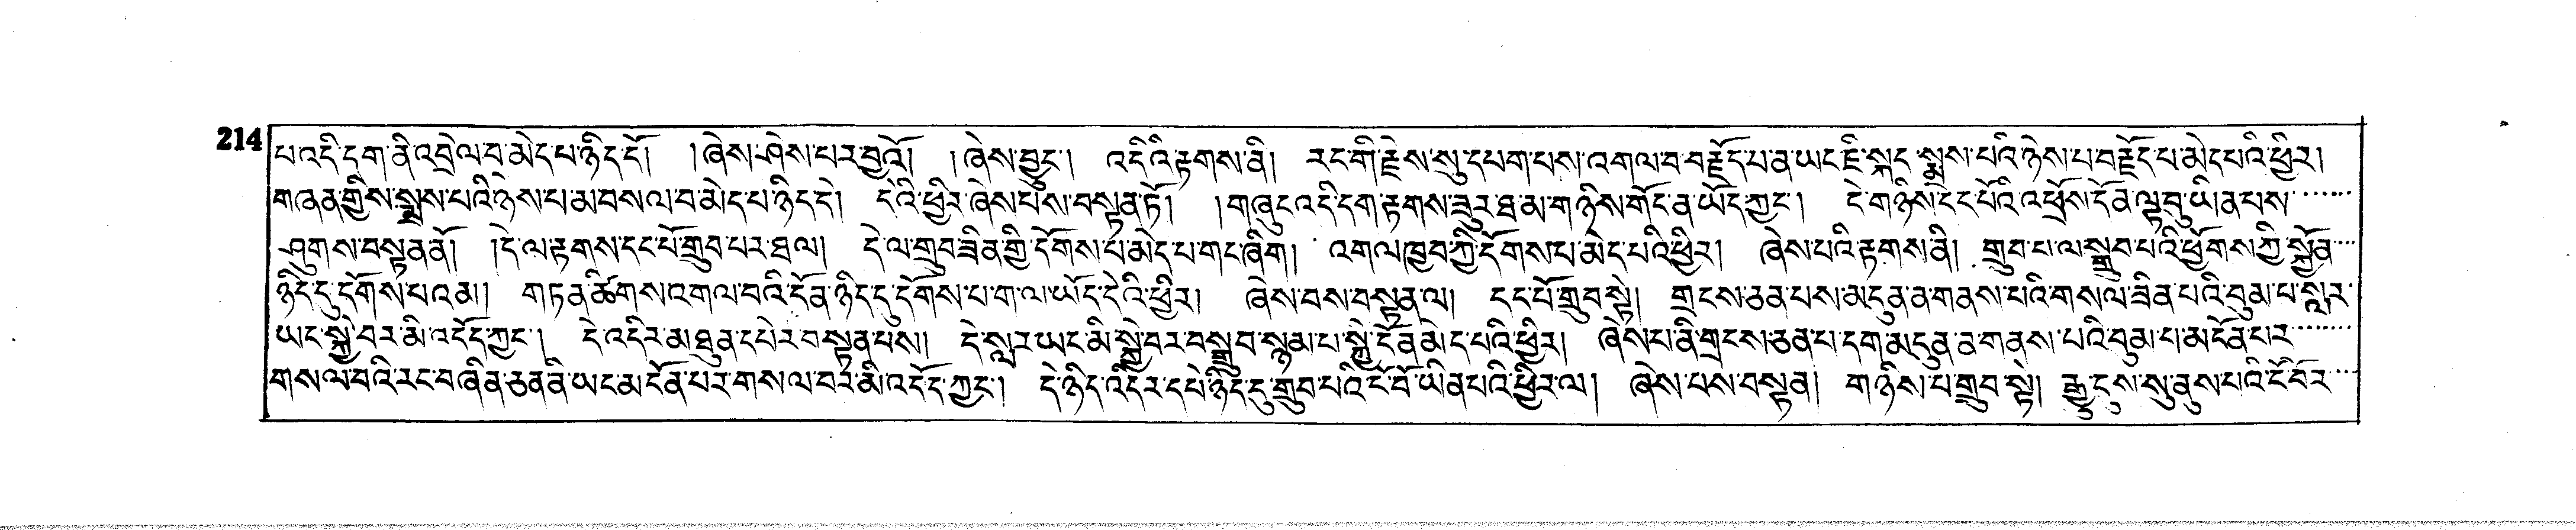པ་འདི་དག་ནི་འབྲེལ་བ་མེད་པ་ཉིད་དོ། །ཞེས་ཤེས་པར་བྱའོ། །ཞེས་བྱུང་། འདིའི་རྟགས་ནི། རང་གི་རྗེས་སུ་དཔག་པས་འགལ་བ་བརྗོད་པ་ན་ཡང་ཇི་སྐད་སྨྲས་པའི་ཉེས་པ་བརྗོད་པ་མེད་པའི་ཕྱིར།
གཞན་གྱིས་སྨྲས་པའི་ཉེས་པ་མ་བསལ་བ་མེད་པ་ཉིད་དེ། དེའི་ཕྱིར་ཞེས་པས་བསྟན་ཏོ། །གཞུང་འདི་དག་རྟགས་ཟུར་ཐ་མ་གཉིས་གོང་ན་ཡོད་ཀྱང་། དེ་གཉིས་དང་པོའི་འཕྲོས་དོན་ལྟ་བུ་ཡིན་པས་
ཤུགས་བསྟན་ནོ། །དེ་ལ་རྟགས་དང་པོ་གྲུབ་པར་ཐལ། དེ་ལ་གྲུབ་ཟིན་གྱི་དོགས་པ་མེད་པ་གང་ཞིག། འགལ་ཁྱབ་ཀྱི་དོགས་པ་མེད་པའི་ཕྱིར། ཞེས་པའི་རྟགས་ནི། གྲུབ་པ་ལ་སྒྲུབ་པའི་ཕྱོགས་ཀྱི་སྐྱོན་
ཉིད་དུ་དོགས་པའམ། གཏན་ཚིགས་འགལ་བའི་དོན་ཉིད་དུ་དོགས་པ་ག་ལ་ཡོད་དེའི་ཕྱིར། ཞེས་བས་བསྟན་ལ། དང་པོ་གྲུབ་སྟེ། གྲངས་ཅན་པས་མདུན་ན་གནས་པའི་གསལ་ཟིན་པའི་བུམ་པ་སླར་
ཡང་སྐྱེ་བར་མི་འདོད་ཀྱང་། དེ་འདིར་མཐུན་དཔེར་བསྟན་པས། དེ་སླར་ཡང་མི་སྐྱེ་བར་བསྒྲུབ་སྙམ་པ་སྐྱེ་དོན་མེད་པའི་ཕྱིར། ཞེས་པ་ནི་གྲངས་ཅན་པ་དག་མདུན་ན་གནས་པའི་བུམ་པ་མངོན་པར་
གསལ་བའི་རང་བཞིན་ཅན་ནི་ཡང་མངོན་པར་གསལ་བར་མི་འདོད་ཀྱང་། དེ་ཉིད་འདིར་དཔེ་ཉིད་དུ་གྲུབ་པའི་ངོ་བོ་ཡིན་པའི་ཕྱིར་ལ། ཞེས་པས་བསྟན། གཉིས་པ་གྲུབ་སྟེ། རྒྱུ་དུས་སུ་ནུས་པའི་ངོ་བོར་